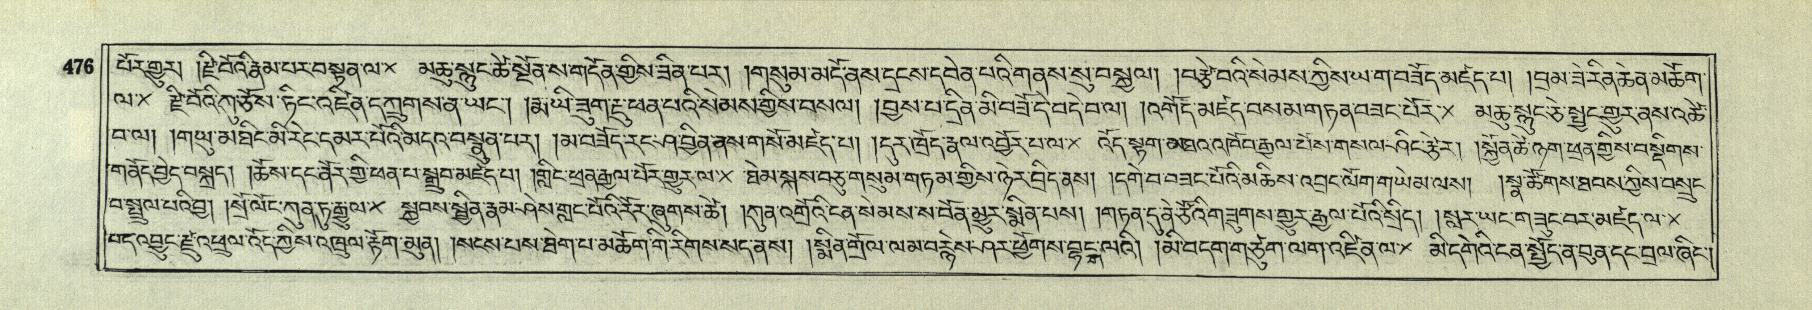པོར་གྱུར། །རྫི་བོའི་རྣམ་པར་བསྟན་ལ་྾་མཆུ་སྙུང་ཚེ་སྔོན་ས་གདོན་གྱིས་ཟིན་པར། །གསུམ་མདོ་ནས་དྲངས་དབེན་པའི་གནས་སུ་བསྐྱལ། །བརྩེ་བའི་སེམས་ཀྱིས་ཡ་ག་བཟོད་མཛད་པ། །བྲམ་ཟེ་རིན་ཆེན་མཆོག་
ལ་྾་རྫི་བོའི་ཀུ་ཅོས་ཏིང་འཛིན་དཀྲུགས་ན་ཡང་། །རྨ་ཡི་ཟུག་རྡུ་ཕན་པའི་སེམས་གྱིས་བསལ། །བྱས་པ་དྲིན་མི་བཟོ་དེ་བདེ་བ་ལ། །འགོད་མཛད་བསམ་གཏན་བཟང་པོར་྾་མཆུ་སྙུང་ཅེ་སྤྱང་གྱུར་ནས་འཚེ་
བ་ལ། །གཡུ་མཐིང་མི་རེང་དམར་པོའི་མདའ་བསྣུན་པར། །མ་བཟོད་རང་ཤ་བྱིན་ནས་གསོ་མཛད་པ། །དུར་ཁྲོད་རྣལ་འབྱོར་པ་ལ་྾་འོད་སྟག་མཐའ་འཁོབ་རྒྱལ་པོས་གསལ་ཤིང་རྩེར། །སྐྱོན་ཚེ་ཉག་ཕྲན་གྱིས་བསྡིགས་
གནོད་བྱེད་བསྐྲད། །ཆོས་དང་ནོར་གྱི་ཕན་པ་སྒྲུབ་མཛད་པ། །གླིང་ཕྲན་རྒྱལ་པོར་གྱུར་ལ་྾་ཐེམ་སྐས་བཅུ་གསུམ་གཏམ་གྱིས་ཉེར་བྲིད་ནས། །དགེ་བ་བཟང་པོའི་མཆིས་འབྲང་ལོག་གཡེམ་ལས། །སྣ་ཚོགས་ཐབས་ཀྱིས་བསྲུང་
བ་སྤྲུལ་པའི་བྱ། །སྲོ་ལོང་ཀུན་ཏུ་རྒྱུ་ལ་྾་སྐྱབས་སྦྱིན་རྣམ་ཤེས་གླང་པོའི་རོར་ཞུགས་ཚེ། །ཀུན་འགྲོའི་ངན་སེམས་ས་བོན་མྱུར་སྨིན་པས། །གཏན་དུ་ནེ་ཙོའི་གཟུགས་གྱུར་རྒྱལ་པོའི་སྲིད། །སླར་ཡང་གཟུང་བར་མཛད་ལ་྾་
པད་འབྱུང་རྫུ་འཕྲུལ་འོད་ཀྱིས་འཁྲུལ་རྟོག་མུན། །སངས་པས་ཐེག་པ་མཆོག་གི་རིགས་སད་ནས། །སྨིན་གྲོལ་ལམ་བརྙེས་ཤར་ཕྱོགས་བྷངྒ་ལའི། །མི་བདག་གཙུག་ལག་འཛིན་ལ་྾་མི་དགེའི་ངན་སྤྱོད་ན་བུན་དང་བྲལ་ཞིང་